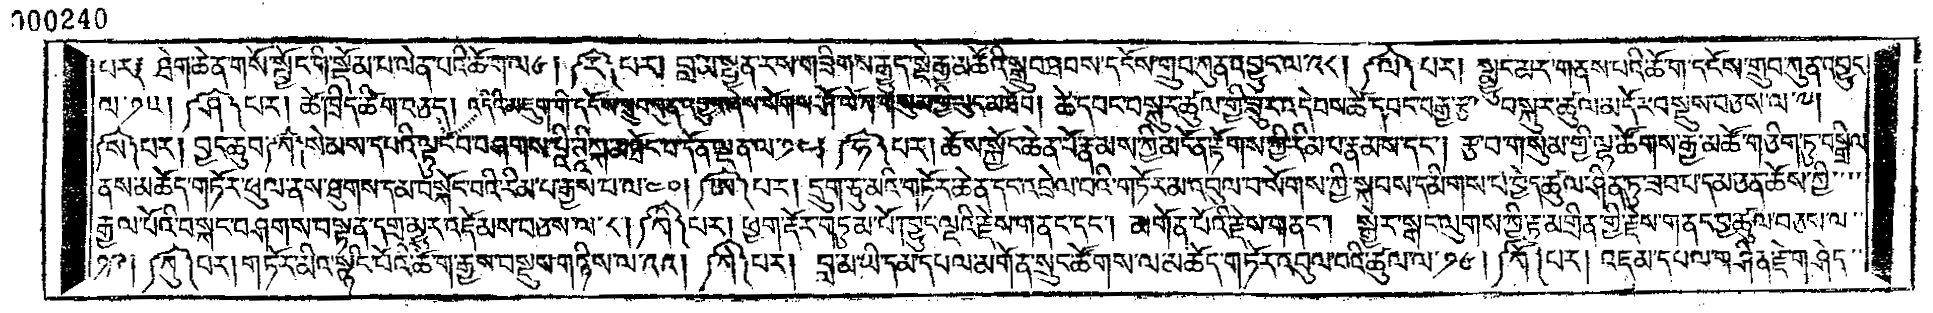པར༑ ཐེག་ཆེན་གསོ་སྤྱོང་གི་སྡོམ་པ་ལེན་པའི་ཆོ་ག་ལ ༦། ༼ར༽ པར། བླ་མ་སྤྱན་རས་གཟིགས་རྒྱུད་སྡེ་རྒྱ་མཚོའི་སྒྲུབ་ཐབས་དངོས་གྲུབ་ཀུན་འབྱུང་ལ ༢༨། ༼ལ༽ པར། སྨྱུང་མར་གནས་པའི་ཆོ་ག་དངོས་གྲུབ་ཀུན་འབྱུང་
ལ ༡༥། ༼ཤ༽ པར། ཚེ་ཁྲིད་ཚིག་བཅད་འདིའི་མཇུག་གི་དངོས་གྲུབ་ཀུན་འབྱུང་ཞེས་སོགས་ཤོ་ལོ་ཀ་གསུམ་གྱི་ལུང་མ་ཐོབ།  ཚེ་དབང་བསྐུར་ཚུལ་གྱི་ཟུར་འདེབས་ཚེ་དབང་བརྒྱ་རྩ་བསྐུར་ཚུལ་མདོར་བསྡུས་བཅས་ལ ༧།
༼ས༽ པར། བྱང་ཆུབ ༼ཀ༽ སེམས་དཔའི་ལྟུང་བ་བཤགས་པཱི་ཊཱིཀྐ་མཐོང་བ་དོན་ལྡན་ལ ༡༤། ༼ཧ༽ པར། ཆོས་སྐྱོང་ཆེན་པོ་རྣམས་ཀྱི་མངོན་རྟོགས་ཀྱི་རིམ་པ་རྣམས་དང་། རྩ་བ་གསུམ་གྱི་ལྷ་ཚོགས་རྒྱ་མཚོ་གཅིག་ཏུ་བསྒྲིལ་
ནས་མཆོད་གཏོར་ཕུལ་ནས་ཐུགས་དམ་བསྐོང་བའི་རིམ་པ་རྒྱས་པ་ལ ༤༠། ༼ཨ༽ པར། དྲུག་ཅུ་མའི་གཏོར་ཆེན་དང་འབྲེལ་བའི་གཏོར་མ་འབུལ་བ་སོགས་ཀྱི་སྐབས་དམིགས་པ་བྱེད་ཚུལ་ཤིན་ཏུ་ཟབ་པ་དམ་ཅན་ཆོས་ཀྱི་
རྒྱལ་པོའི་བསྐང་བཤགས་བསྟན་དགྲ་མྱུར་འཇོམས་བཅས་ལ ༨། ༼ཀི༽ པར། ཕྱག་རྡོར་གཏུམ་པོ་ཁྱུང་ལྔའི་རྗེས་གནང་དང་། མགོན་པོའི་རྗེས་གནང་། སྒྱེར་སྒང་ལུགས་ཀྱི་རྟ་མགྲིན་གྱི་རྗེས་གནང་བྱ་ཚུལ་བཅས་ལ་
༡༩། ༼ཀུ༽ པར། གཏོར་མའི་སྙིང་པོའི་ཆོ་ག་རྒྱས་བསྡུས་གཉིས་ལ ༢༢། ༼ཀེ༽ པར། བླ་མ་ཡི་དམ་དཔལ་མགོན་སྲུང་ཚོགས་ལ་མཆོད་གཏོར་འབུལ་བའི་ཚུལ་ལ ༡༦། ༼ཀོ༽ པར། འཇམ་དཔལ་གཤིན་རྗེ་གཤེད་